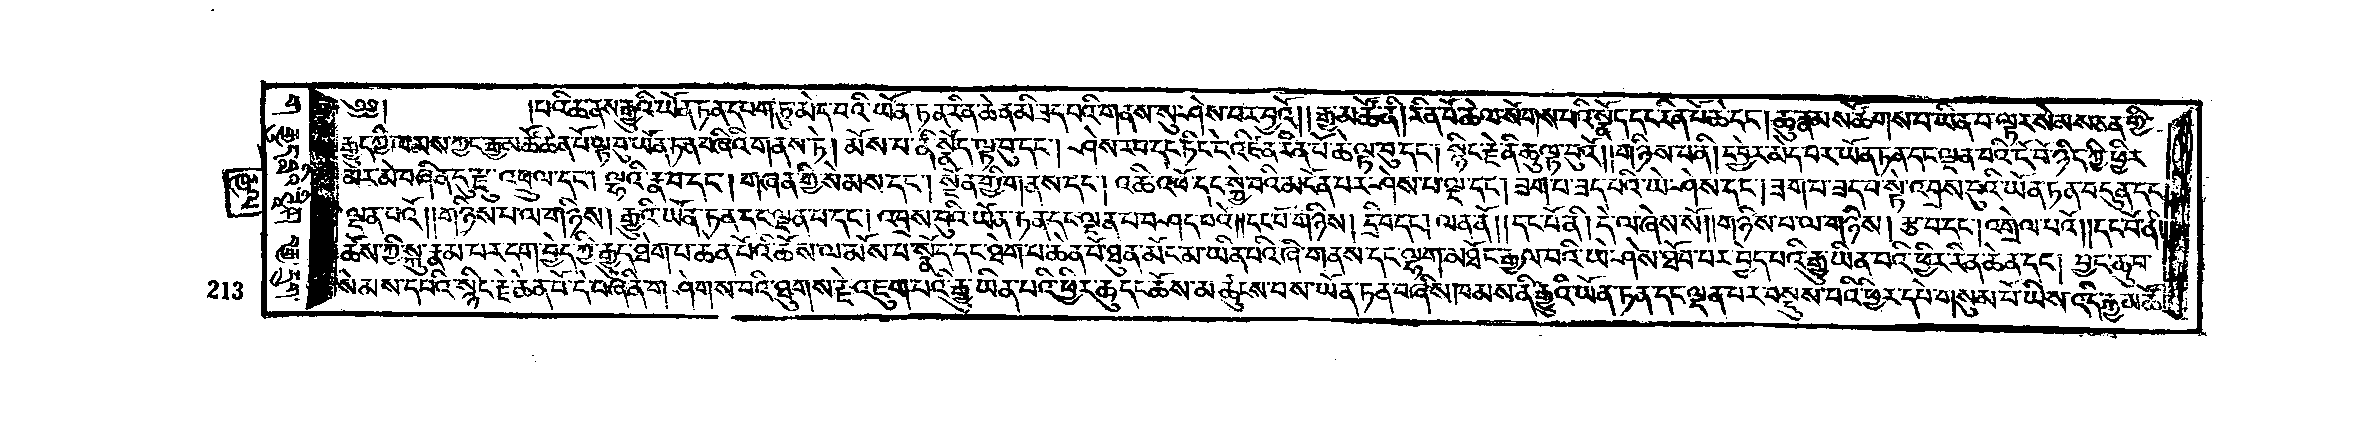༄༅། །པའི་ཆ་ནས་རྒྱུའི་ཡོན་ཏན་དཔག་ཏུ་མེད་པའི་ཡོན་ཏན་རིན་ཆེན་མི་ཟད་པའི་གནས་སུ་ཤེས་པར་བྱའོ། །རྒྱ་མཚོ་ནི། རིན་པོ་ཆེ་ལ་སོགས་པའི་སྣོད་དང་རིན་པོ་ཆེ་དང་། ཆུ་རྣམས་ཚོགས་པ་ཡིན་པ་ལྟར་སེམས་ཅན་གྱི་
རྒྱུད་ཀྱི་ཁམས་ཀྱང་རྒྱ་མཚོ་ཆེན་པོ་ལྟ་བུ་ཡོན་ཏན་བཞིའི་གནས་ཏེ། མོས་པ་ནི་སྣོད་ལྟ་བུ་དང་། ཤེས་རབ་དང་ཏིང་ངེ་འཛིན་རིན་པོ་ཆེ་ལྟ་བུ་དང་། སྙིང་རྗེ་ནི་ཆུ་ལྟ་བུའོ། །གཉིས་པ་ནི། དབྱེར་མེད་པར་ཡོན་ཏན་དང་ལྡན་པའི་ངོ་བོ་ཉིད་ཀྱི་ཕྱིར་
མར་མེ་བཞིན་དུ་རྫུ་འཕྲུལ་དང་། ལྷའི་རྣ་བ་དང་། གཞན་གྱི་སེམས་དང་། སྔོན་གྱི་གནས་དང་། འཆི་འཕོ་དང་སྐྱེ་བའི་མངོན་པར་ཤེས་པ་ལྔ་དང་། ཟག་པ་ཟད་པའི་ཡེ་ཤེས་དང་། ཟག་པ་ཟད་པ་སྟེ་འབྲས་བུའི་ཡོན་ཏན་བདུན་དང་
ལྡན་པའོ། །གཉིས་པ་ལ་གཉིས། རྒྱུའི་ཡོན་ཏན་དང་ལྡན་པ་དང་། འབྲས་བུའི་ཡོན་ཏན་དང་ལྡན་པ་བཤད་པའོ། །དང་པོ་ལ་གཉིས། དྲི་བ་དང་། ལན་ནོ། །དང་པོ་ནི། དེ་ལ་ཞེས་སོ། །གཉིས་པ་ལ་གཉིས། རྩ་བ་དང་། འགྲེལ་པའོ། །དང་པོ་ནི།
ཆོས་ཀྱི་སྐུ་རྣམ་པར་དག་བྱེད་ཀྱི་རྒྱུད་ཐེག་པ་ཆེན་པོའི་ཆོས་ལ་མོས་པ་སྣོད་དང་ཐེག་པ་ཆེན་པོ་ཐུན་མོང་མ་ཡིན་པའི་ཞི་གནས་དང་ལྷག་མཐོང་རྒྱལ་བའི་ཡེ་ཤེས་ཐོབ་པར་བྱེད་པའི་རྒྱུ་ཡིན་པའི་ཕྱིར་རིན་ཆེན་དང་། བྱང་ཆུབ་
སེམས་དཔའི་སྙིང་རྗེ་ཆེན་པོ་དེ་བཞིན་གཤེགས་པའི་ཐུགས་རྗེ་འཇུག་པའི་རྒྱུ་ཡིན་པའི་ཕྱིར་ཆུ་དང་ཆོས་མཚུངས་པས་ཡོན་ཏན་བཞིས་ཁམས་ནི་རྒྱུའི་ཡོན་ཏན་དང་ལྡན་པར་བསྡུས་པའི་ཕྱིར་དཔེ་གསུམ་པོ་ཡིས་འདི་རྒྱ་མཚོ་